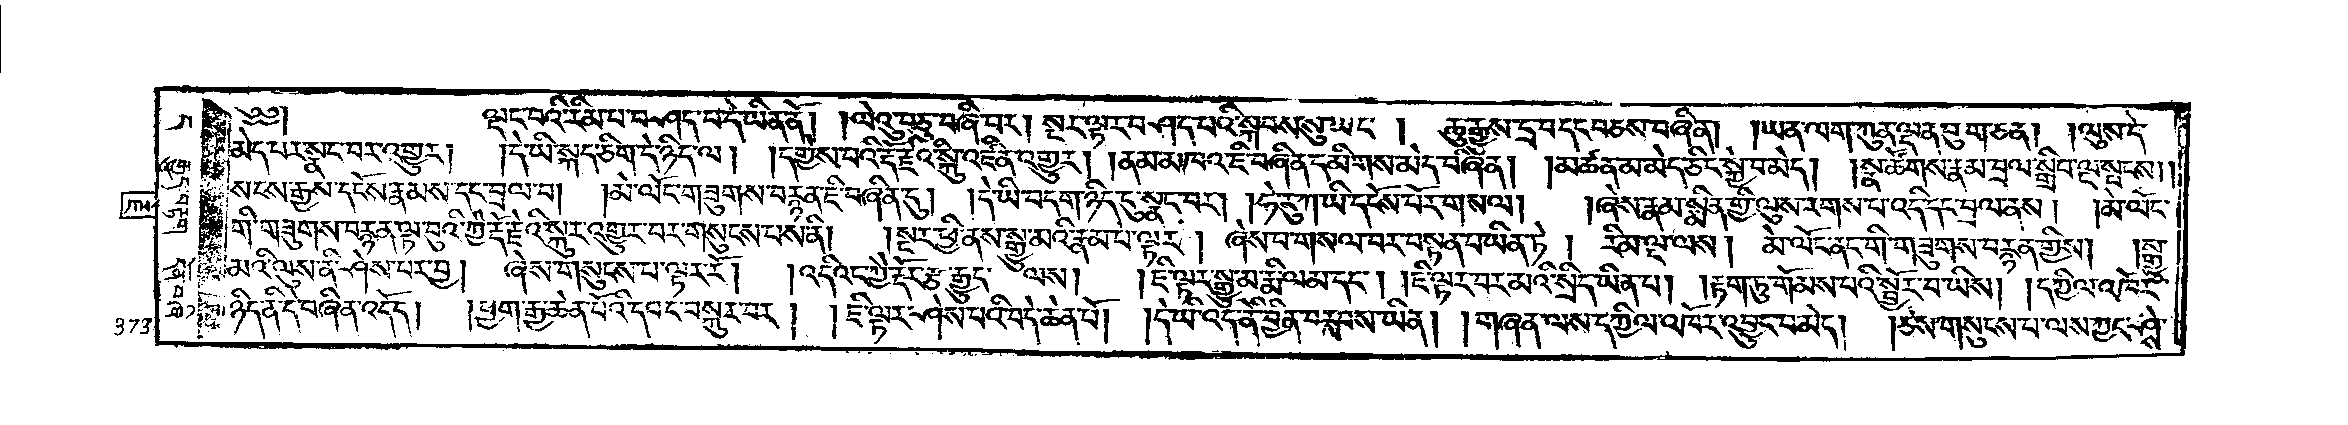༄༅། །ལྡང་བའི་རིམ་པ་བཤད་པ་དེ་ཡིན་ནོ། །ལེའུ་བཅུ་བཞི་པར། སྔར་ལྟར་བཤད་པའི་སྐབས་སུ་ཡང་། ཆུ་རྒྱུས་དྲ་བ་དང་བཅས་བཞིན། །ཡན་ལག་ཀུན་ལྡན་བུ་ག་ཅན། །ལུས་དེ་
མེད་པར་སྣང་བར་འགྱུར། །དེ་ཡི་སྐད་ཅིག་དེ་ཉིད་ལ། །དགྱེས་པའི་རྡོ་རྗེའི་སྐུ་འཛིན་འགྱུར། །ནམ་མཁའ་ཇི་བཞིན་དམིགས་མེད་བཞིན། །མཚན་མ་མེད་ཅིང་སྐྱེ་བ་མེད། །སྣ་ཚོགས་རྣམ་བྲལ་སྒྲིབ་ལྔ་སྤངས། །
སངས་རྒྱས་དངོས་རྣམས་དང་བྲལ་བ། །མེ་ལོང་གཟུགས་བརྙན་ཇི་བཞིན་དུ། །དེ་ཡི་བདག་ཉིད་དུ་སྣང་བར། །ཧེ་རུ་ཀ་ཡི་དངོས་པོར་གསལ། །ཞེས་རྣམ་སྨིན་གྱི་ལུས་རགས་པ་འདི་དང་བྲལ་ནས། །མེ་ལོང་
གི་གཟུགས་བརྙན་ལྟ་བུའི་ཀྱཻ་རྡོ་རྗེའི་སྐུར་འགྱུར་བར་གསུངས་པས་ནི། །སྔར་ཕྱི་ནས་སྒྱུ་མའི་རྣམ་པ་ལྟར། ཞེས་པ་གསལ་བར་བསྟན་པ་ཡིན་ཏེ། རིམ་ལྔ་ལས། མེ་ལོང་ནང་གི་གཟུགས་བརྙན་གྱིས། །སྒྱུ་
མའི་ལུས་ནི་ཤེས་པར་བྱ། ཞེས་གསུངས་པ་ལྟར་རོ། །འདིའང་ཀྱཻ་རྡོར་རྩ་རྒྱུད་ལས། །ཇི་ལྟར་སྒྱུ་མ་རྨི་ལམ་དང་། །ཇི་ལྟར་བར་མའི་སྲིད་ཡིན་པ། །རྟག་ཏུ་གོམས་པའི་སྦྱོར་བ་ཡིས། །དཀྱིལ་འཁོར་
ཉིད་ནི་དེ་བཞིན་འདོད། །ཕྱག་རྒྱ་ཆེན་པོའི་དབང་བསྐུར་བར། །ཇི་ལྟར་ཤེས་པའི་བདེ་ཆེན་པོ། །དེ་ཡི་འདི་ནི་བྱིན་བརླབས་ཡིན། །གཞན་ལས་དཀྱིལ་འཁོར་འབྱུང་བ་མེད། །ཅེས་གསུངས་པ་ལས་ཀྱང་ཤེས་